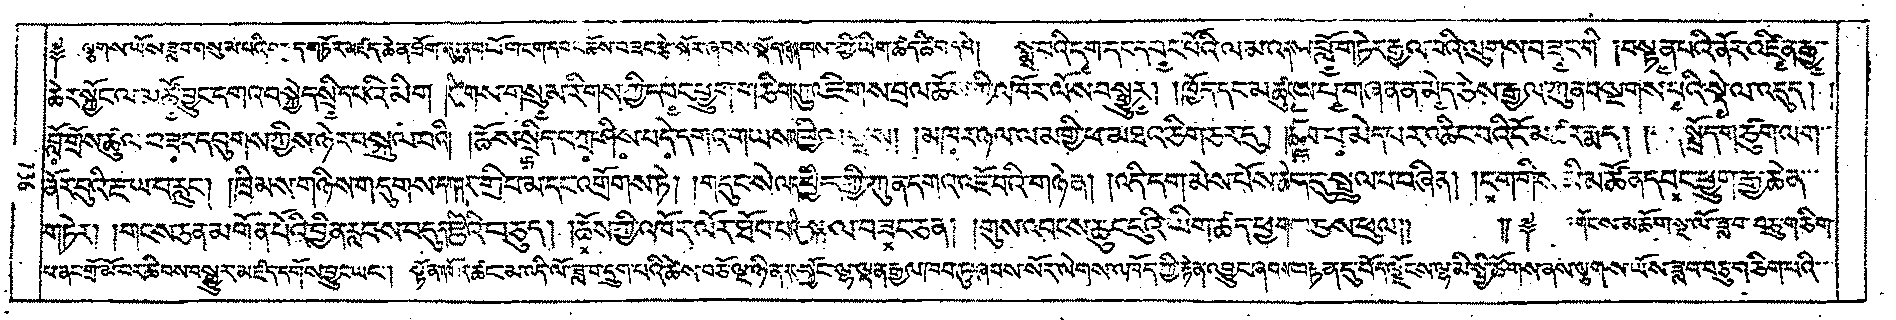༈ ལྕགས་ཡོས་ཟླ་བ་གསུམ་པའི་བརྒྱད་གཏོར་མཛད་ཆེན་ཐོག་མདུན་གཡོག་ངག་དབང་ཆོས་བཟང་རྩེ་སྐོར་ཞབས་སྡོད་ཞུ་སྐབས་ཀྱི་ཡིག་ཚད་ཚིག་དཔེ།  སྨྲ་བའི་ངག྾་དང་དབང྾་པོའི་ལམ་འདས་བློ྾་གཏེར་རྒྱལ་བའི་ལུགས་བཟང྾་གི །བསྟན྾་པའི་ནོར་འཛིན་རྒྱ྾་
ཆེར་སྐྱོང་ལ་མཚོ྾་བྱུང་དགའ་བསྐྱེད་སྲིད྾་པའི་མིག །རིགས་གསུམ྾་རིགས་ཀྱི་དབང྾་ཕྱུག་གཅིག་པུ་འཇིགས་བྲལ་ཆོས་ཀྱི་འཁོར་ལོས་བསྒྱུར྾། །ཁྱོད་དང་མཚུངས྾་པ྾་གཞན་ན་མེད྾་ཅེས་རྒྱལ་ཀུན་བསྔགས་པའི྾་སྡེ྾་ལ་འདུད། །
བློ་གྲོས་ཚུལ་བཟང྾་དབུགས་ཀྱིས་ཉེར་བསྐུལ་བའི། །ཆོས་སྲིད~྾་བཀྲ྾་ཤིས྾་བདེ྾་དགའ་གཡས་འཁྱིལ་སྒྲས། །མཁར྾་ཉལ་ལམ་གྱི་ཕ་མཐའ་ཅིག་ཅར་དུ། །ཚབ~྾་པ྾་མེད་པར་འཆིང་བའི་ངོ་མཚར་རྨད། །བརྡ་སྤྲོད་གཙུག་ལག་
ནོར་བུའི་རྔ་ཡབ་རླུང་། །ཁྲིམས་གཉིས་གདུགས་དཀར་གྲིབ་མ་དང་འགྲོགས་ཏེ། །གདུང་སེལ་དཔྱིད་ཀྱི་ཀུན་དགའ་འཇོ་བའི་གཉེན། །འདི་དག་མེས་པོས་ཆེད་དུ་སྤྲུལ་པ་བཞིན། །ངག྾་གིས་མི་མཚོན་དབང་྾་ཕྱུག་རྒྱ་ཆེན་
གཏེར། །གངས་ཅན་མགོན་པོའི་བྱིན་རླབས་བདུད་རྩིའི་བཅུད། །ཆོས྾་ཀྱི་འཁོར་ལོར་ཐོབ་པའི་སྐལ་བཟང྾་ཅན། །གུས་འབངས་ཆུང་ངུའི་ཡིག་ཚད་ཕྱག་བཅས་ཕུལ།། །།༈ ༧གོང་ས་མཆོག་སྔ་ལོ་ཟླ་བ་བཅུ་གཅིག་
པ་ནང་གྲོ་མོ་པར་ཆིབས་བསྒྱུར་མཛད་དགོས་བྱུང་ཡང་། སྟོན་འཁོར་ཚང་མ་འདི་ལོ་ཟླ་བ་དྲུག་པའི་ཚེས་བཅོ་ལྔ་ཉིན་རང་སྐྱོང་ལྷ་ལྡན་རྒྱལ་ཁབ་ཏུ་ཞབས་སོར་ལེགས་འཁོད་ཀྱི་རྟེན་འབྱུང་ཞབས་བརྟན་དུ་བོད་ལྗོངས་ལྷ་མི་སྤྱི་ཚོགས་ནས་ལྕགས་ཡོས་ཟླ་བ་བཅུ་གཅིག་པའི་